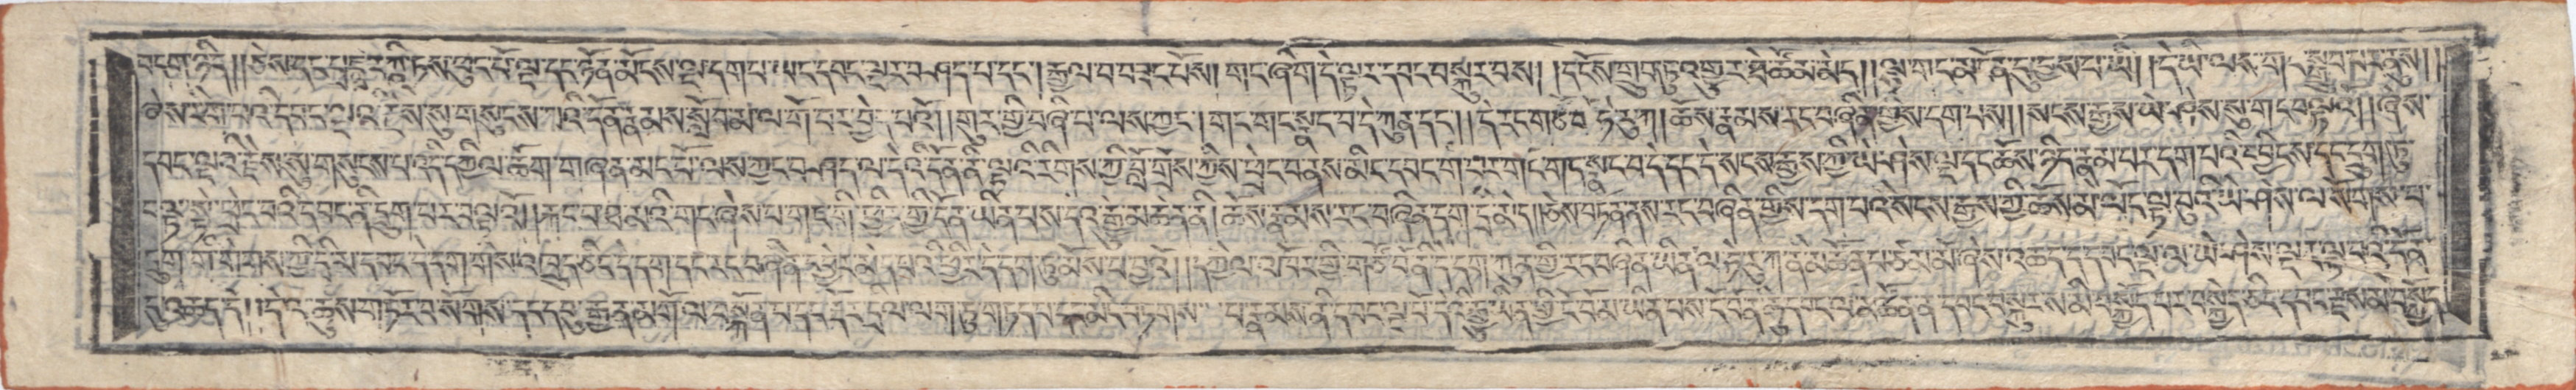བདག་ཉིད། །ཅེས་དང་པྲཛྙཱ་རཀྵི་ཏས་ཕུང་པོ་ལྔ་དང་ཉོན་མོངས་ལྔ་དག་པ་ཡང་དབང་ལྔར་བཤད་པ་དང་། རྒྱལ་བ་བཟང་པོས། གང་ཞིག་དེ་ལྟར་དབང་བསྐུར་བས། །དངོས་གྲུབ་ཏུ་འགྱུར་ཐེ་ཚོམ་མེད། །ལྷ་གང་མངོན་དུ་བྱས་པ་ཡི། །དེ་ཡི་ལས་གང་སྒྲུབ་པར་ནུས། །
ཞེས་རིག་པའི་དབང་ལྔའི་རྗེས་སུ་གསུངས་པའི་དོན་རྣམས་སློབ་མ་ལ་གོ་བར་བྱེད་པའོ། །གུར་གྱི་བཞི་པ་ལས་ཀྱང་། གང་གང་སྣང་བ་དེ་ཀུན་དང་། །དེ་རང་གཙོ་བོ་ཧེ་རུ་ཀ། ཆོས་རྣམས་རང་བཞིན་གྱིས་དག་པས། །སངས་རྒྱས་ཡེ་ཤེས་སུ་གང་བལྟའོ། །ཞེས་
དབང་ལྔའི་རྗེས་སུ་གསུངས་པ་འདི་དཀྱིལ་ཆོག་གཞན་མང་པོ་ལས་ཀྱང་བཤད་ལ་དེའི་དོན་ནི་ལྷའི་རིགས་ཀྱི་བློ་གྲོས་ཀྱིས་ཕྲེང་བ་ནས་མིང་དབང་གི་བར་གང་གང་སྣང་བ་དེ་དང་དེ་སངས་རྒྱས་ཀྱི་ཡེ་ཤེས་ལྔ་དང་ཆོས་ཉིད་རྣམ་པར་དག་པའི་དབྱིངས་དང་དྲུག་ཏུ་
བལྟ་སྟེ་ཕྲེང་བའི་དབང་ནི་དྲུག་པར་བལྟའོ། །རྐང་པ་ཐ་མའི་གང་ཞེས་པ་གང་གི་ཕྱིར་གྱི་དོན་ཡིན་པས་དེའི་རྒྱུ་མཚན་ནི། ཆོས་རྣམས་རང་བཞིན་དག་དྲི་མེད། །ཅེས་བཏོན་ནས་རང་བཞིན་གྱིས་དག་པའི་སངས་རྒྱས་ཀྱི་ཆོས་མེ་ལོང་ལྟ་བུའི་ཡེ་ཤེས་ལ་སོགས་པ་
དྲུག་གི་གེགས་ཀྱི་དྲི་མ་དབང་དེ་དག་གིས་འཁྲུད་ཅིང་དེ་དག་དང་རང་བཞིན་དབྱེར་མེད་པའི་ཕྱིར་དེ་དག་ཏུ་མོས་པ་བྱའོ། །དཀྱིལ་འཁོར་གྱི་གཙོ་བོ་ནི་དེ་དག་ཀུན་གྱི་རང་བཞིན་ཡིན་ལ་ཧེ་རུ་ཀ་ནི་མཚོན་པ་ཙམ་མོ་ཞེས་འཆད་དེ་དབང་ལྔ་ལ་ཡེ་ཤེས་ལྔར་ལྟ་བའི་དོན་
དུ་འཆད་དེ། །དེ་ལ་ཆུས་གཏོར་བ་སོགས་དང་དབུ་རྒྱན་མགོ་ལ་བསྐོན་པ་དང་རྡོར་དྲིལ་ལག་ཏུ་གཏད་པ་དང་མིང་བཏགས་པ་རྣམས་ནི་དབང་ལྔ་པོ་དེའི་རྒྱུ་ཡིན་གྱི་ངོ་བོ་མ་ཡིན་པས་ངོ་བོ་ནི་ཆུ་དབང་ལ་མཚོན་ན་དབང་བསྐུར་ས་མི་བསྐྱོད་པར་བསྐྱེད་ཅིང་དབང་རྫས་མི་བསྐྱོད་